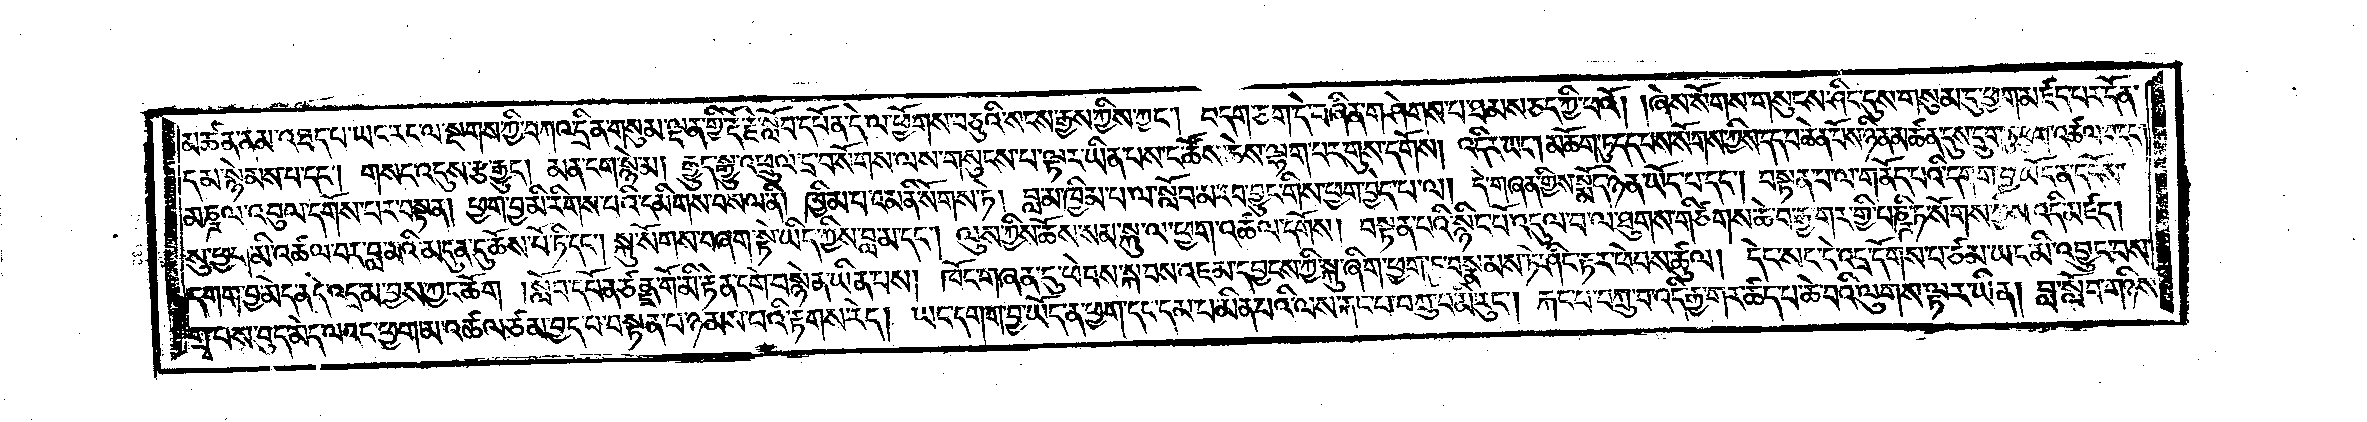མཚན་ནམ་འཐད་པ་ཡང་རང་ལ་སྔགས་ཀྱི་བཀའ་དྲིན་གསུམ་ལྡན་གྱི་རྡོ་རྗེ་སློབ་དཔོན་དེ་ལ་ཕྱོགས་བཅུའི་སངས་རྒྱས་ཀྱིས་ཀྱང་། བདག་ཅག་དེ་བཞིན་གཤེགས་པ་ཐམས་ཅད་ཀྱི་ཕའོ། །ཞེས་སོགས་གསུངས་ཤིང་དུས་གསུམ་དུ་ཕྱག་མཛད་པར་དོན་
དམ་སྙེམས་པ་དང་། གསང་འདུས་རྩ་རྒྱུད། མན་ངག་སྙེམ། རྒྱུད་སྒྱུ་འཕྲུལ་དྲ་པ་སོགས་ལས་གསུངས་པ་ལྟར་ཡིན་པས་ང་ཚོས་ཆེས་ལྷག་དང་གུས་དགོས། འདིར་ཡང་། མཆོག་ཏུ་དད་པས་སོགས་ཀྱིས་དད་པ་ཆེན་པོས་ཉིན་མཚན་དུས་དྲུག་ཏུ་ཕྱག་འཚལ་བ་དང་
མཎྜལ་འབུལ་དགོས་པར་བསྟན། ཕྱག་བྱ་མི་རིགས་པའི་དམིགས་བསལ་ནི། ཁྱིམ་པའམ་ནི་སོགས་ཏེ། བླ་མ་ཁྱིམ་པ་ལ་སློབ་མ་རབ་བྱུང་གིས་ཕྱག་བྱེད་པ་ལ། དེ་གཞན་གྱིས་སྨོད་ཉེན་ཡོད་པ་དང་། བསྟན་པ་ལ་གནོད་པའི་དགག་བྱ་ཡོད་ན་དངོས་
སུ་ཕྱག་མི་འཚལ་བར་བླ་མའི་མདུན་དུ་ཆོས་པོ་ཏི་དང་། སྐུ་སོགས་བཞག་སྟེ་ཡིད་ཀྱི་བླ་བ་དང་། ལུས་ཀྱིས་ཆོས་སམ་སྐུ་ལ་ཕྱག་འཚལ་དགས། བསྟན་པའི་སྙིང་པོ་འདུལ་བ་ལ་ཐུགས་གཙིགས་ཆེ་བ་རྒྱ་གར་གྱི་པཎྚི་ཏ་སོགས་ཀྱིས་འདི་མཛད།
དགག་བྱ་མེད་ན་དེ་འདྲ་མ་བྱས་ཀྱང་ཆོག །སློབ་དཔོན་ཙནྡ་གོ་མི་རྟེན་དགེ་བསྙེན་ཡིན་པས། ཁོང་གཞན་དུ་ཕེབས་སྐབས་འཇམ་དབྱངས་ཀྱི་སྐུ་ཞིག་ཕྱག་ཏུ་བསྣམས་ཏེ་ཤིང་རྟར་ཕེབས་ཚུལ། དེང་སང་དེ་འདྲ་དོགས་པ་ཙམ་ཡང་མི་འབྱུང་བས་
གྲྭ་པས་བུད་མེད་ལའང་ཕྱག་མ་འཚལ་ཙམ་བྱེད་པ་བསྟན་པ་ཉམས་པའི་རྟགས་རེད། ཡང་དགག་བྱ་ཡོད་ན་ཕྱག་དང་དམ་པ་མིན་པའི་ལས་རྐང་པ་བཀྲུ་བ་མི་རུང་། རྐང་པ་བཀྲུ་བ་འདི་རྒྱ་གར་ཚད་པ་ཆེ་བའི་ལུགས་ལྟར་ཡིན། བླ་སློབ་གཉིས་